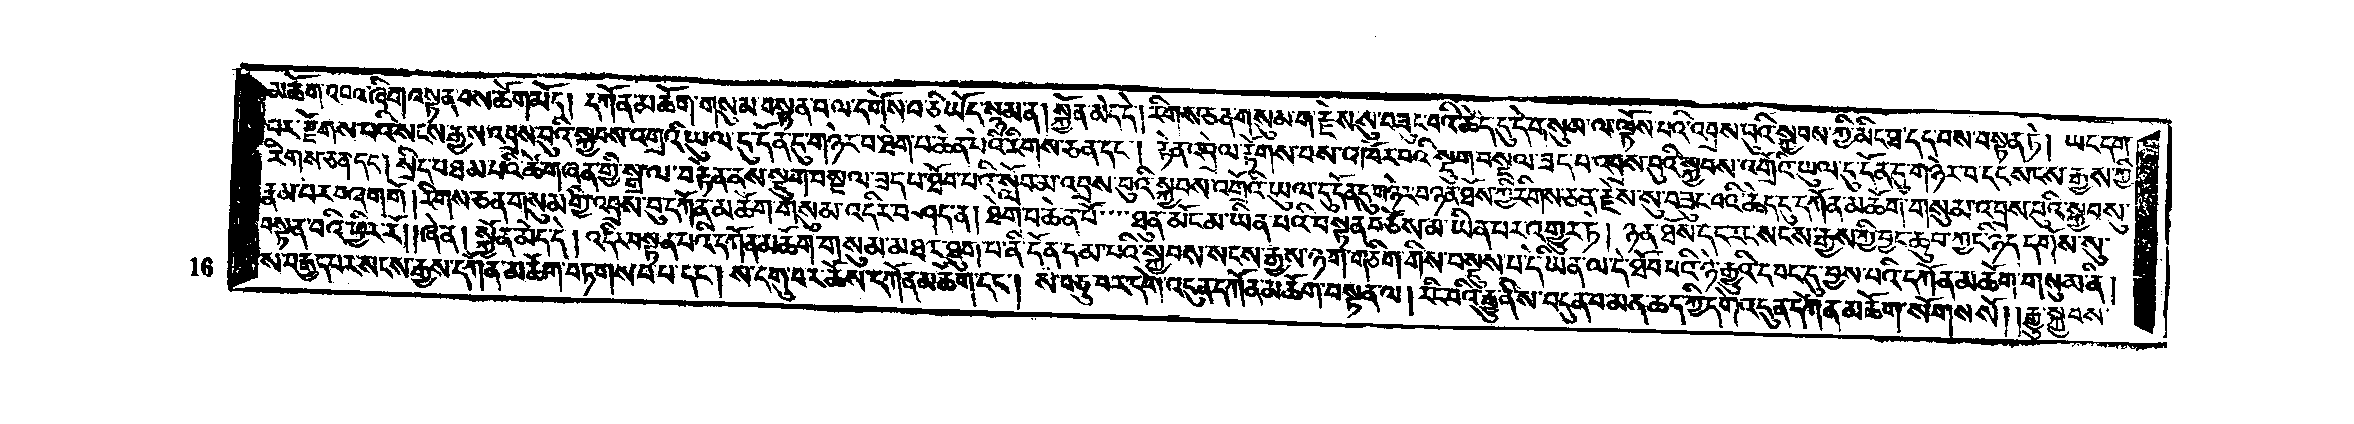མཆོག་འབའ་ཞིག་བསྟན་པས་ཆོག་མོད། དཀོན་མཆོག་གསུམ་བསྟན་པ་ལ་དགོས་པ་ཅི་ཡོད་སྙམ་ན། སྐྱོན་མེད་དེ། རིགས་ཅན་གསུམ་ག་རྗེས་སུ་བཟུང་བའི་ཆེད་དུ་དེ་གསུམ་ལ་ལྟོས་པའི་འབྲས་བུའི་སྐྱབས་ཀྱི་མིང་ཐ་དད་པས་བསྟན་ཏེ། ཡང་དག་
པར་རྫོགས་པའི་སངས་རྒྱས་འབྲས་བུའི་སྐྱབས་འགྲའི་ཡུལ་དུ་དོན་དུ་གཉེར་བ་ཐེག་པ་ཆེན་པོའི་རིགས་ཅན་དང་། རྟེན་འབྲེལ་རྟོགས་པས་འཁོར་བའི་སྡུག་བསྔལ་ཟད་པ་འབྲས་བུའི་སྐྱབས་འགྲོའི་ཡུལ་དུ་དོན་དུ་གཉེར་བ་དང་སངས་རྒྱས་ཀྱི་
རིགས་ཅན་དང་། སྲིད་པ་ཐ་མ་པའི་ཚེ་གཞན་གྱི་སྒྲ་ལ་བརྟེན་ནས་སྡུག་བསྔལ་ཟད་པ་ཐོབ་པའི་སློབ་མ་འབྲས་བུའི་སྐྱབས་འགྲོའི་ཡུལ་དུ་དོན་དུ་གཉེར་བ་ཉན་ཐོས་ཀྱི་རིགས་ཅན་རྗེས་སུ་བཟུང་བའི་ཆེད་དུ་དཀོན་མཆོག་གསུམ་འབྲས་བུའི་སྐྱབས་སུ་
རྣམ་པར་བཞག་གོ །རིགས་ཅན་གསུམ་གྱི་འབྲས་བུ་དཀོན་མཆོག་གསུམ་འདིར་བཤད་ན། ཐེག་པ་ཆེན་པོ་ཐུན་མོང་མ་ཡིན་པའི་བསྟན་བཅོས་མ་ཡིན་པར་འགྱུར་ཏེ། ཉན་ཐོས་དང་རང་སངས་རྒྱས་ཀྱི་བྱང་ཆུབ་ཀྱང་ཉིད་དགོས་སུ་
བསྟན་པའི་ཕྱིར་རོ། །ཞེ་ན། སྐྱོན་མེད་དེ། འདིར་བསྟན་པའི་དཀོན་མཆོག་གསུམ་མཐར་ཐུག་པ་ནི་དོན་དམ་པའི་སྐྱབས་སངས་རྒྱས་ཉག་གཅིག་གིས་བསྡུས་པ་དེ་ཡིན་ལ་དེ་ཐོབ་པའི་ཉེ་རྒྱུའི་དབང་དུ་བྱས་པའི་དཀོན་མཆོག་གསུམ་ནི།
ས་བརྒྱད་པར་སངས་རྒྱས་དཀོན་མཆོག་བཏགས་པ་བ་དང་། ས་དགུ་པར་ཆོས་དཀོན་མཆོག་དང་། ས་བཅུ་པར་དགེ་འདུན་དཀོན་མཆོག་བསྟན་ལ། རིང་བའི་རྒྱུ་ནི་ས་བདུན་པ་མན་ཆད་ཀྱི་དགེ་འདུན་དཀོན་མཆོག་སོགས་སོ། །རྒྱུ་སྐྱབས་